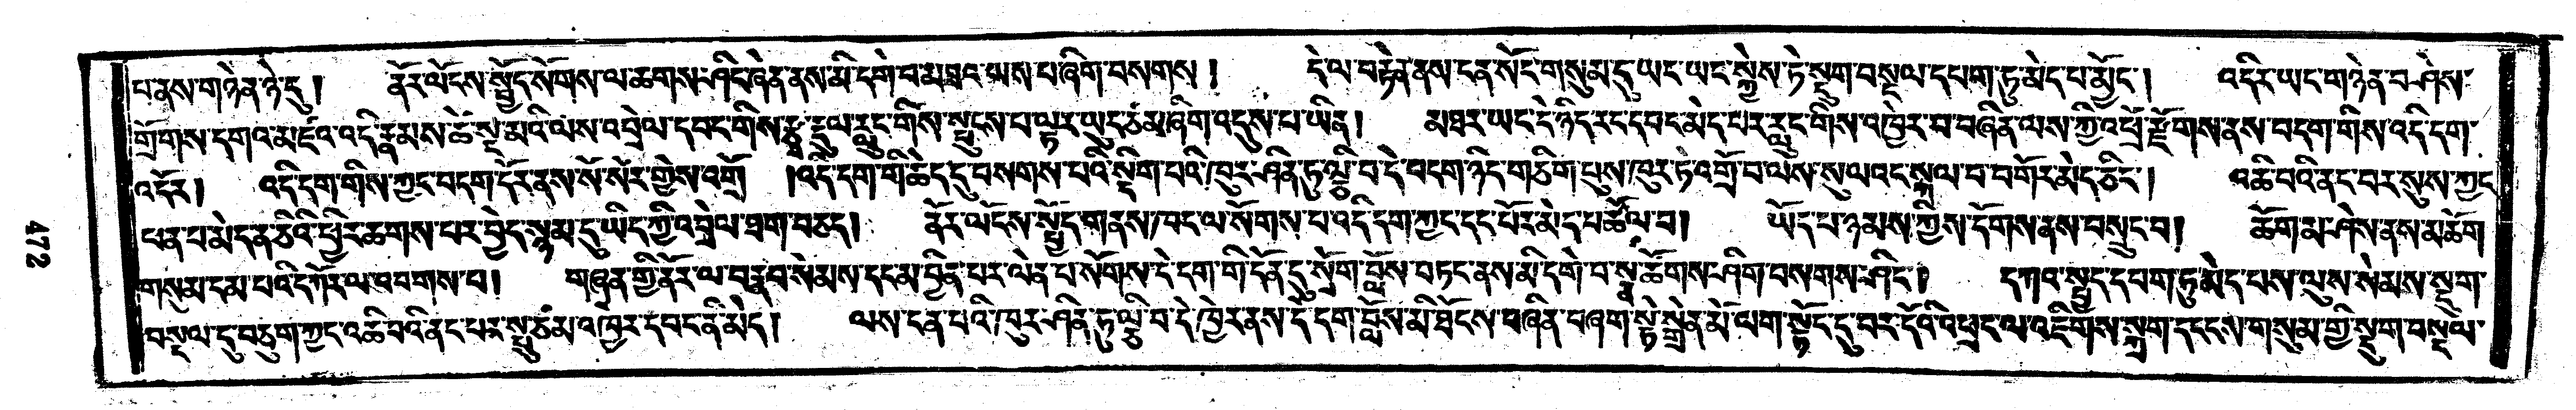པ་ནས་གཉེན་ཉེ་དུ། ནོར་ལོངས་སྤྱོད་སོགས་ལ་ཆགས་ཤིང་ཞེན་ནས་མི་དགེ་བ་མཐའ་ཡས་པ་ཞིག་བསགས། དེ་ལ་བརྟེན་ནས་ངན་སོང་གསུམ་དུ་ཡང་ཡང་སྐྱེས་ཏེ་སྡུག་བསྔལ་དཔག་ཏུ་མེད་པ་མྱོང་། འདིར་ཡང་གཉེན་བཤེས་
གྲོགས་དགའ་མཛའ་འདི་རྣམས་ཚེ་སྔ་མའི་ལས་འབྲེལ་དབང་གིས་རྩྭ་རྡུལ་རླུང་གིས་སྤུངས་པ་ལྟར་ཡུང་ཙམ་ཞིག་འདུས་པ་ཡིན། མཐར་ཡང་དེ་ཉིད་རང་དབང་མེད་པར་རླུང་གིས་འཁྱེར་བ་བཞིན་ལས་ཀྱི་འཕྲོ་རྫོགས་ནས་བདག་གིས་འདི་དག་
འདོར། འདི་དག་གིས་ཀྱང་བདག་དོར་ནས་སོ་སོར་གྱེས་འགྲོ་།འདི་དག་གི་ཆེད་དུ་བསགས་པའི་སྡིག་པའི་ཁུར་ཤིན་ཏུ་ལྕི་བ་དེ་བདག་ཉིད་གཅིག་པུས་ཁུར་ཏེ་འགྲོ་བ་ལས་སུ་ལའང་སྐལ་བ་བགོར་མེད་ཅིང་། འཆི་བའི་ནང་བར་སུས་ཀྱང་
ཕན་པ་མེད་ན་ཅིའི་ཕྱིར་ཆགས་པར་བྱེད་སྙམ་དུ་ཡིད་ཀྱི་འབྲེལ་ཐག་བཅད། ནོར་ལོངས་སྤྱོད་གནས་ཁང་ལ་སོགས་པ་འདི་དག་ཀྱང་དང་པོར་མེད་པ་ཚོལ་བ། ཡོད་པ་ཉམས་ཀྱིས་དོགས་ནས་བསྲུང་བ། ཆོག་མ་ཤེས་ནས་མཆོག་
གསུམ་དམ་པའི་དཀོར་ལ་འབགས་པ། གཞན་གྱི་ནོར་ལ་བརྣབ་སེམས་དང་མ་བྱིན་པར་ལེན་པ་སོགས་དེ་དག་གི་དོན་དུ་སྲོག་བློས་བཏང་ནས་མི་དགེ་བ་སྣ་ཚོགས་ཤིག་བསགས་ཤིང་། དཀའ་སྤྱད་དཔག་ཏུ་མེད་པས་ལུས་སེམས་སྡུག་
བསྔལ་དུ་བཅུག་ཀྱང་འཆི་བའི་ནང་པར་སྤུ་ཙམ་འཁྱེར་དབང་ནི་མེད། ལས་ངན་པའི་ཁུར་ཤིན་ཏུ་ལྕི་བ་དེ་ཁྱེར་ནས་དེ་དག་བློས་མི་ཐོངས་བཞིན་བཞག་སྟེ་སྒྲེན་མོ་ལག་སྟོང་དུ་བར་དོའི་འཕྲང་ལ་འཇིགས་སྐྲག་དངགས་གསུམ་གྱི་སྡུག་བསྔལ་